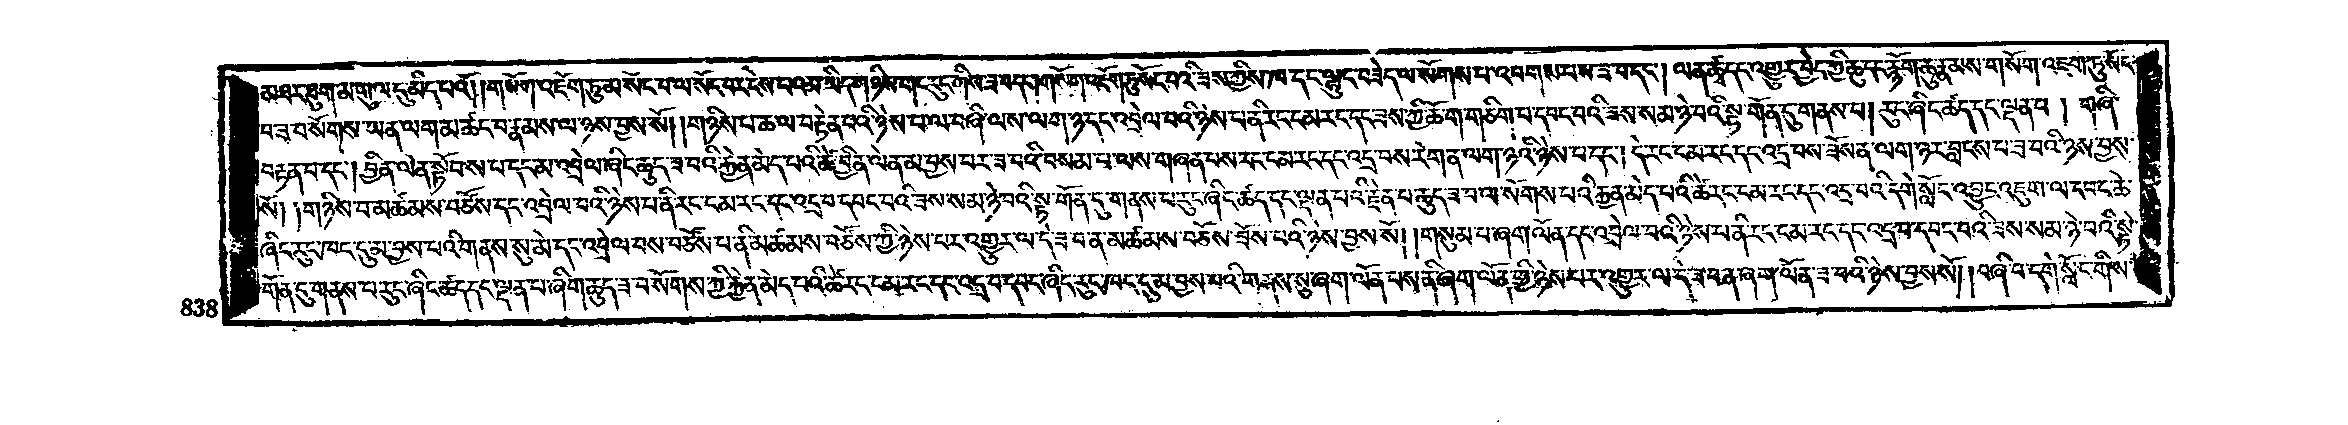མཐར་ཐུག་མ་གུལ་དུ་མིད་པའོ། །གསོག་འཇོག་ཏུ་མ་སོང་བ་ལ་སོང་བར་ངེས་པའམ་ཡིད་གཉིས་གང་རུང་གིས་ཟ་བ་དང་། གསོག་འཇོག་ཏུ་སོང་བའི་ཟས་ཀྱིས་ཁ་དང་ལྷུང་བཟེད་ལ་སོགས་པ་འབགས་པས་ཟ་བ་དང་། ལན་ཚྭ་དང་འགྱུར་བྱེད་ཀྱི་ཆུ་དང་རྙོག་ཆུ་རྣམས་གསོག་འཇག་ཏུ་སོང་
བ་ཟ་བ་སོགས་ཡན་ལག་མ་ཚང་བ་རྣམས་ལ་ཉས་བྱས་སོ། །གཉིས་པ་ཆ་ལ་བརྟེན་པའི་ཉེས་པ་ལ་བཞི་ལས་ལག་ཉ་དང་འབྲེལ་བའི་ཉེས་པ་ནི་རང་ངམ་རང་དང་ཟས་ཀྱི་ཆོ་ག་གཅིག་པ་དབང་བའི་ཟས་སམ་ཉེ་བའི་སྟ་གོན་དུ་གནས་པ། རུང་ཞིང་ཚད་དང་ལྡན་པ། གཞི་
བརྟན་པ་དང་། བྱིན་ལེན་སྟོབས་པ་དང་མ་འབྲེལ་ཞིང་ཆུད་ཟ་བའི་རྐྱེན་མེད་པའི་ཚེ་བྱིན་ལེན་མ་བྱས་པར་ཟ་བའི་བསམ་པ་ལས་གཞན་པས་རང་ངམ་རང་དང་འདྲ་བས་རེག་ན་ལག་ཉའི་ཉེས་པ་དང་། དེ་རང་ངམ་རང་དང་འདྲ་བས་ཟོས་ན་ལག་ཉར་བླངས་པ་ཟ་བའི་ཉས་བྱས་
སོ༑ ༑གཉིས་པ་མཚམས་བཙོས་དང་འབྲེལ་བའི་ཉེས་པ་ནི་རང་ངམ་རང་དང་འདྲ་བ་དབང་བའི་ཟས་སམ་ཉེ་བའི་སྟ་གོན་དུ་གནས་པ་རུང་ཞིང་ཚད་དང་ལྡན་པའི་རྗེན་པ་ཆུད་ཟ་བ་ལ་སོགས་པའི་རྐྱན་མེད་པའི་ཚེ་རང་ངམ་རང་དང་འདྲ་བའི་དགེ་སློང་འབྱུང་འཇུག་ལ་དབང་ཆེ་
ཞིང་རུང་ཁང་དུ་མ་བྱས་པའི་གནས་སུ་མེ་དང་འབྲེལ་བས་བཙོས་པ་ནི་མཚམས་བཙོས་ཀྱི་ཉེས་པར་འགྱུར་ལ་དེ་ཟ་བ་ན་མཚམས་བཅོས་ཟོས་པའི་ཉེས་བྱས་སོ། །གསུམ་པ་ཞག་ལོན་དང་འབྲེལ་བའི་ཉེས་པ་ནི་རང་ངམ་རང་དང་འདྲ་བ་དབང་བའི་ཟས་སམ་ཉེ་བའི་སྟེ་
གོན་དུ་གནས་པ་རུང་ཞིང་ཚད་དང་ལྡན་པ་ཞིག་ཆུད་ཟ་བ་སོགས་ཀྱི་རྐྱེན་མེད་པའི་ཚེ་རང་ངམ་རང་དང་འདྲ་བ་དབང་ཞིང་རུང་ཁང་དུ་མ་བྱས་པའི་གནས་སུ་ཞག་ལོན་པས་ནི་ཞག་ལོན་གྱི་ཉེས་པར་འགྱུར་ལ་དེ་ཟ་ཕན་ཞག་ལོན་ཟ་བའི་ཉེས་བྱས་སོ། །བཞི་པ་དགེ་སློང་གིས་